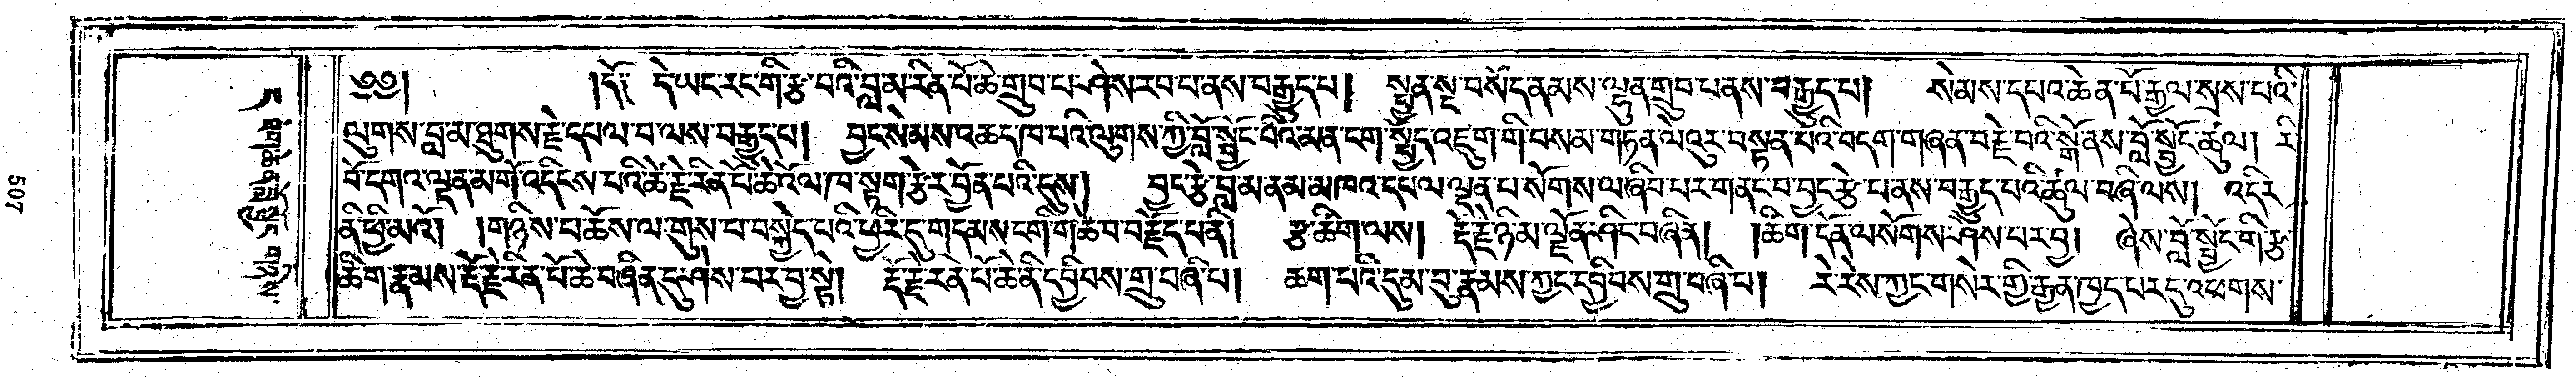༄༅། །དོ༑ དེ་ཡང་རང་གི་རྩ་བའི་བླ་མ་རིན་པོ་ཆེ་གྲུབ་པ་ཤེས་རབ་པ་ནས་བརྒྱུད་པ། སྤྱན་སྔ་བསོད་ནམས་ལྷུན་གྲུབ་པ་ནས་བརྒྱུད་པ། སེམས་དཔའ་ཆེན་པོ་རྒྱལ་སྲས་པའི་
ལུགས་བླ་མ་ཐུགས་རྗེ་དཔལ་བ་ལས་བརྒྱུད་པ། བྱང་སེམས་འཆད་ཁ་པའི་ལུགས་ཀྱི་བློ་སྦྱོང་བའི་མན་ངག་སྤྱོད་འཇུག་གི་བསམ་གཏན་ལེའུར་བསྟན་པའི་བདག་གཞན་བརྗེ་བའི་སྒོ་ནས་བློ་སྦྱོང་ཚུལ། རི་
བོ་དགའ་ལྡན་མགོ་འདིངས་པའི་ཚེ་རྗེ་རིན་པོ་ཆེ་འོལ་ཁ་སྟག་རྩེར་བྱོན་པའི་དུས། བྱང་རྩེ་བླ་མ་ནམ་མཁའ་དཔལ་ལྡན་པ་སོགས་ལ་ཞིབ་པར་གནང་བ་བྱང་རྩེ་པ་ནས་བརྒྱུད་པའི་ཚུལ་བཞི་ལས། འདིར་
ནི་ཕྱི་མའོ། །གཉིས་པ་ཆོས་ལ་གུས་པ་བསྐྱེད་པའི་ཕྱིར་དུ་གདམས་ངག་གི་ཚེ་བ་བརྗོད་པ་ནི། རྩ་ཚིག་ལས། རྡོ་རྗེ་ཉི་མ་ལྗོན་ཤིང་བཞིན། །ཚིག་དོན་ལ་སོགས་ཤེས་པར་བྱ། ཞེས་བློ་སྦྱོང་གི་རྩ་
ཚིག་རྣམས་རྡོ་རྗེ་རིན་པོ་ཆེ་བཞིན་དུ་ཤེས་པར་བྱ་སྟེ། རྡོ་རྗེ་རིན་པོ་ཆེ་ནི་དབྱིབས་གྲུ་བཞི་པ། ཆག་པའི་དུམ་བུ་རྣམས་ཀྱང་དབྱིབས་གྲུ་བཞི་པ། རེ་རེས་ཀྱང་གསེར་གྱི་རྒྱན་ཁྱད་པར་དུ་འཕགས་